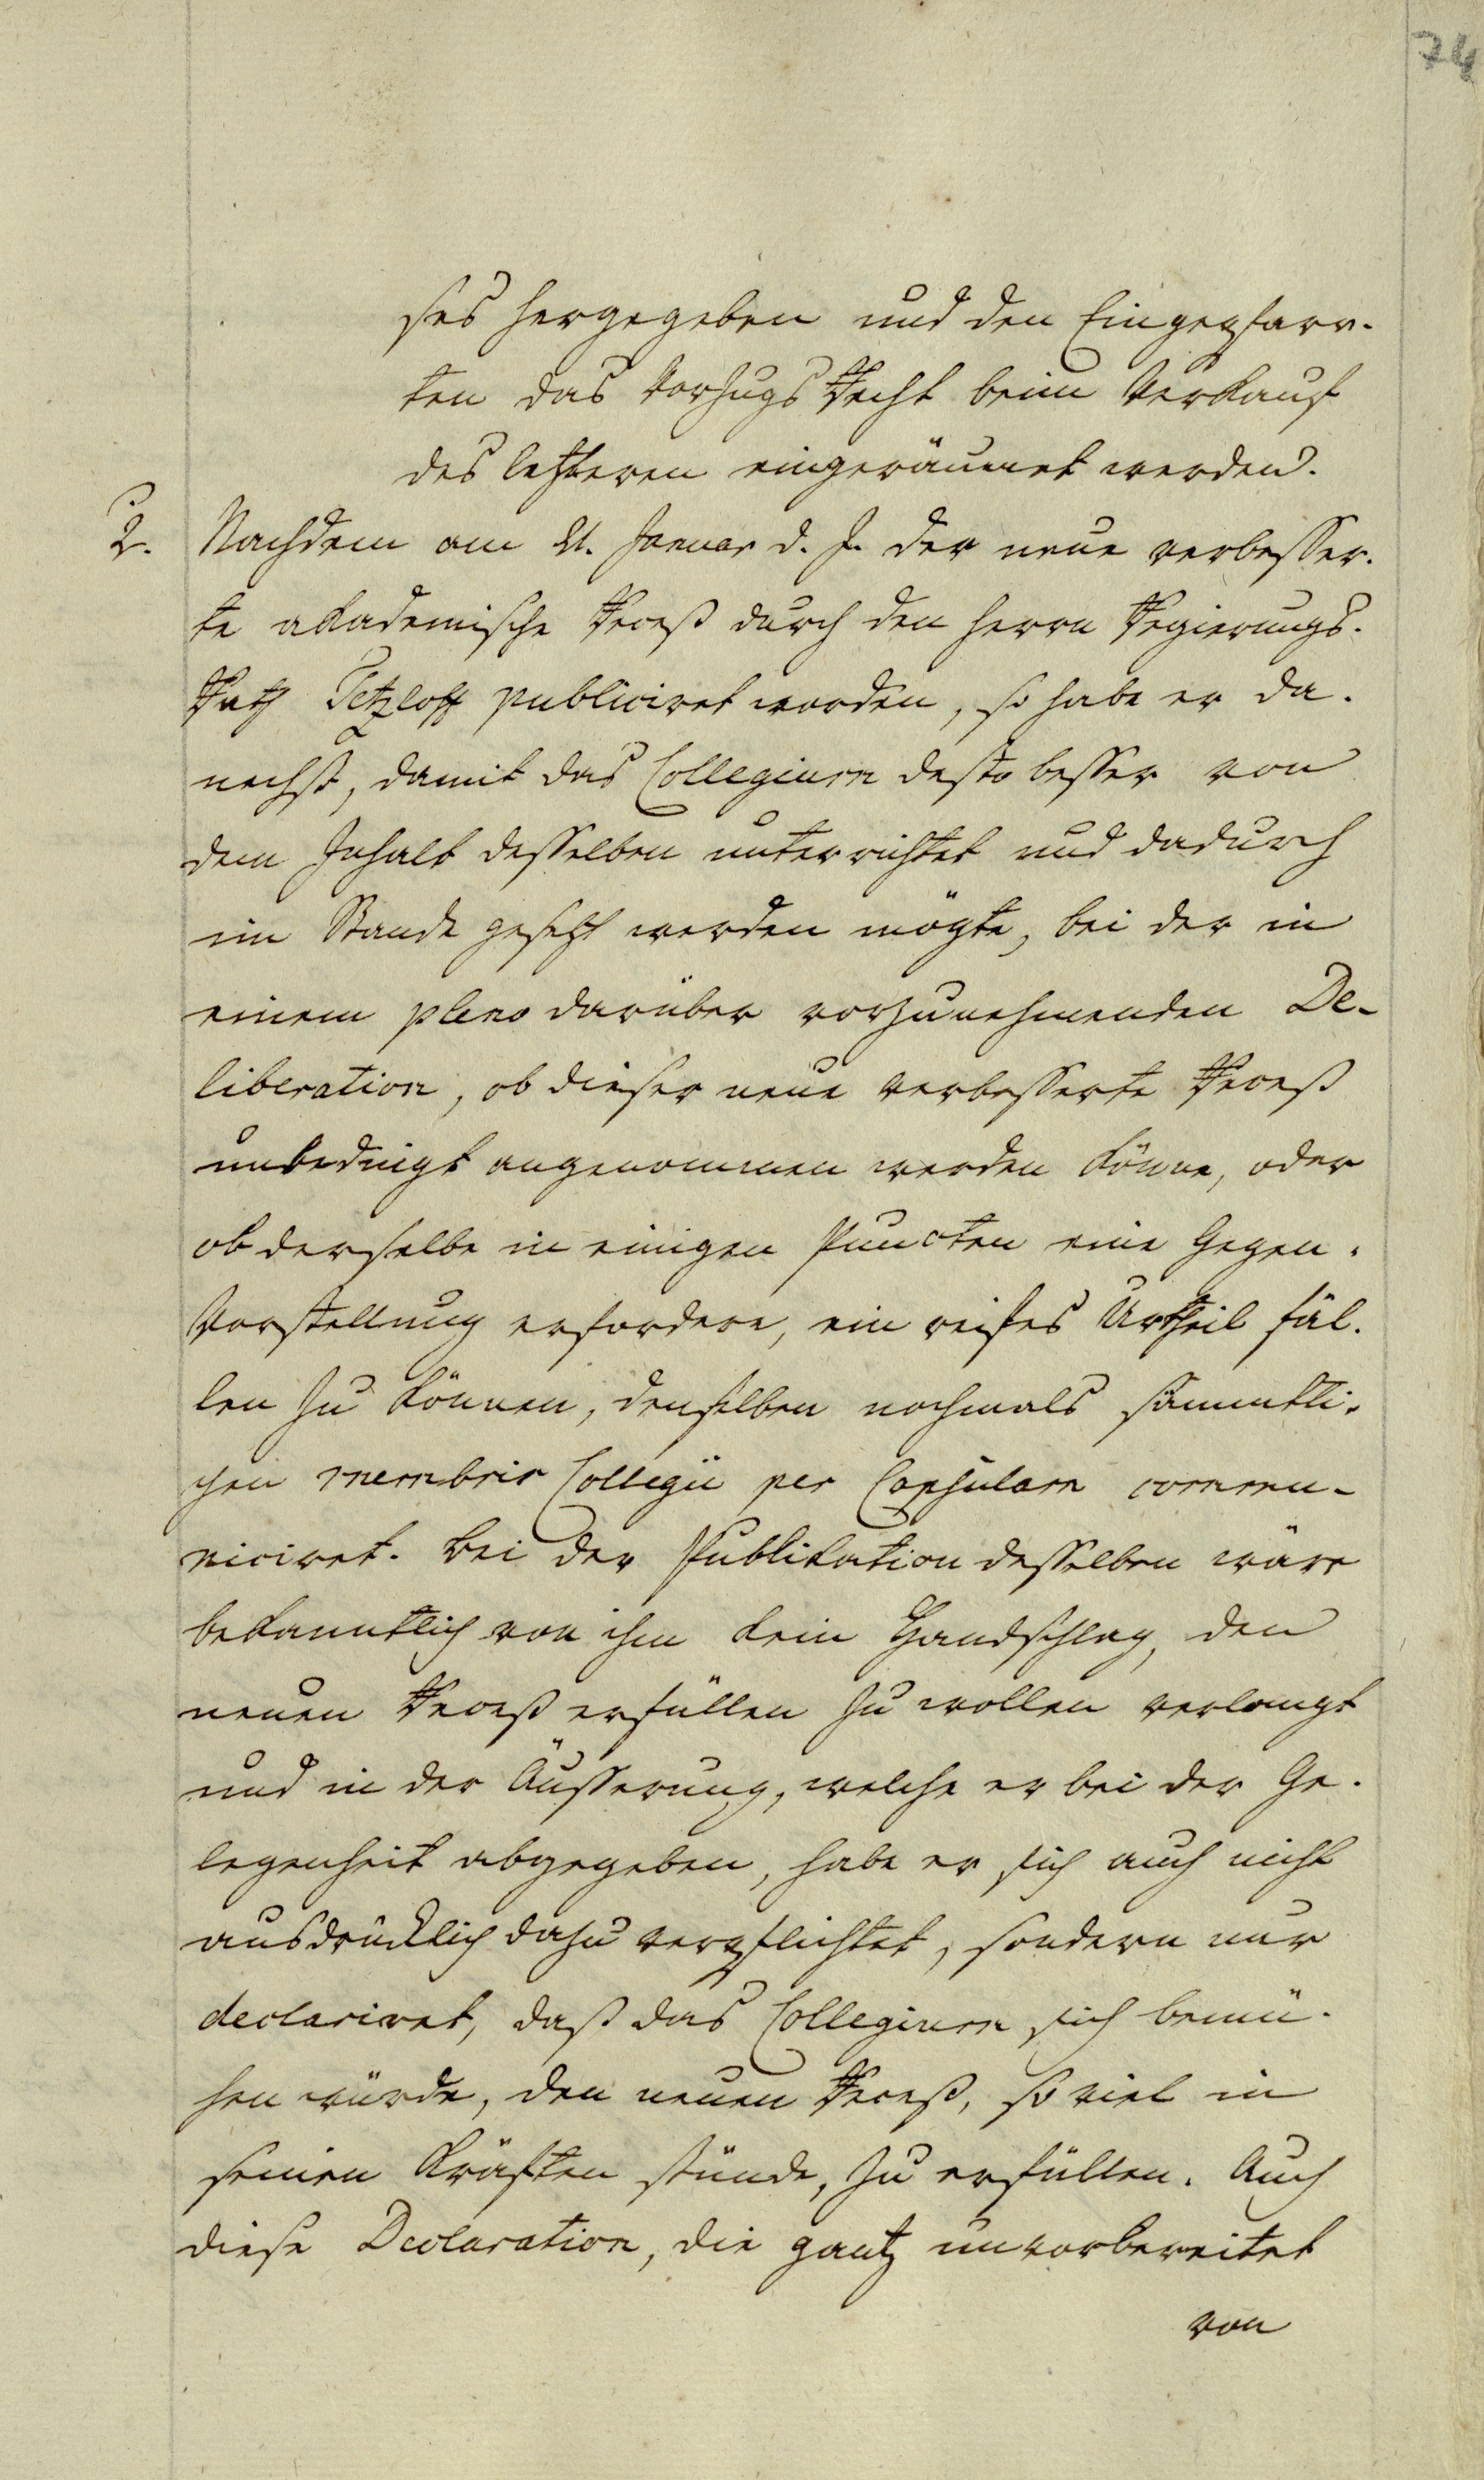ses hergegeben und den Eingepfarr¬
ten das Vorzugs Recht beim Verkauf
des letzteren eingeräumet werden.
2. Nachdem am 21. Januar d. J. der neue verbesser¬
te akademische Receß durch den Herrn Regierungs
Rath Tetzloff publiciret worden, so habe er da¬
nechst, damit das Collegium desto besser von
dem Inhalt desselben unterrichtet und dadurch
im Stande gesetzt werden mögte, bei der in
einem pleno darüber vorzunehmenden De¬
liberation, ob dieser neue verbesserte Receß
unbedingt angenommen werden könne, oder
ob derselbe in einigen Punkten eine Gegen¬
Vorstellung erfordere, ein reifes Urtheil fäl¬
len zu können, denselben nochmals sämmtli¬
chen membris Collegii per Capsulam commu¬
niciret. Bei der Publikation desselben wäre
bekanntlich von ihm kein Handschlag, den
neuen Receß erfüllen zu wollen verlangt
und in der Äusserung, welche er bei der Ge¬
legenheit abgegeben, habe er sich auch nicht
ausdrücklich dazu verpflichtet, sondern nur
declariret, daß das Collegium sich bemü¬
hen würde, den neuen Receß, so viel in
seinen Kräften stünde, zu erfüllen. Auch
diese Declaration, die gantz unvorbereitet
von